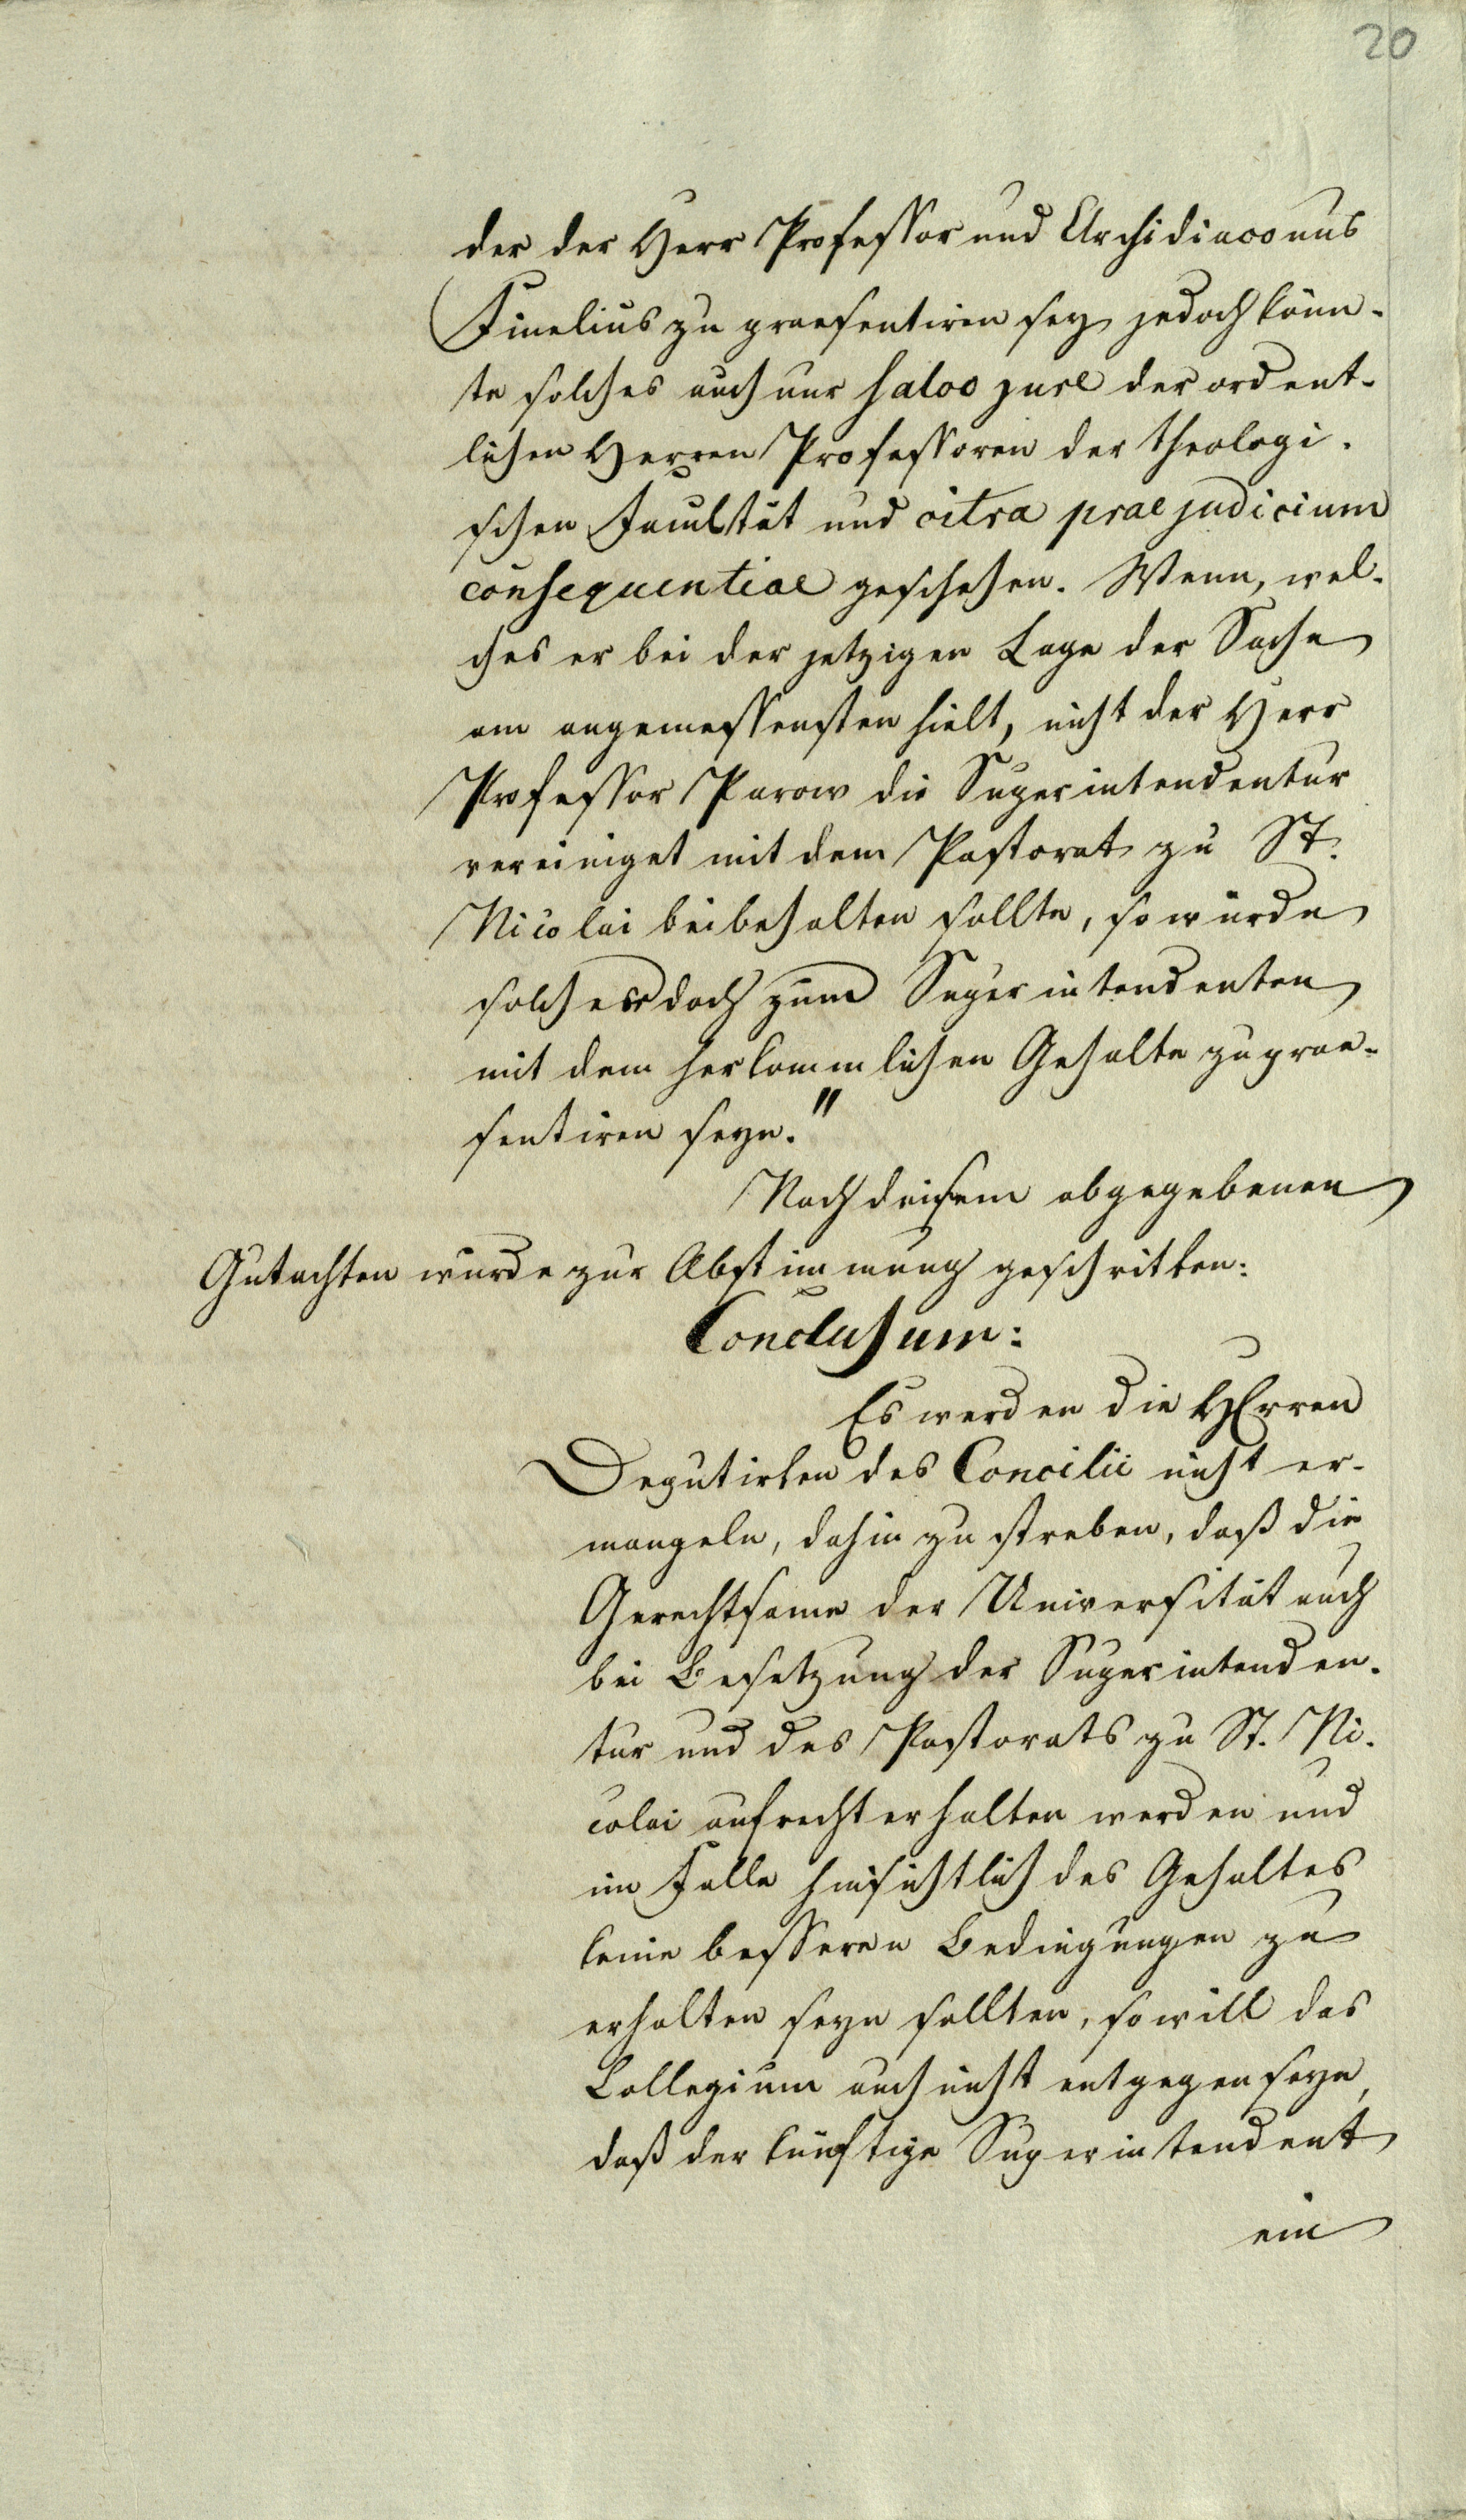der der Herr Professor und Archidiaconus
Finelius zu praesentiren sey jedoch könn¬
te solches auch und hato jure der ordent¬
lichen Herren Professoren der theologi¬
schen Facultät und citra prae judicium
consequentiae geschehen. Wann, wel¬
ches er bei der jetzigen Lage der Sache
am angemessensten hielt, nicht der Herr
Professor Parow die Superintendentur
vereiniget mit dem Pastorat zu St.
Nicolai beibehalten sollte, so würde
solcher doch zum Superintendenten
mit dem herkommlichen Gehalte zu prae¬
sentiren seyn."
Nach diesem abgegebenen
Gutachten wurde zur Abstimmung geschritten:
Conclusum:
Es werden die Herren
Deputirten des Concilii nicht er¬
mangeln, dahin zu streben, daß die
Gerechtsame der Universität auch
bei Besetzung der Superintenden¬
tur und des Pastorats zu St. Ni¬
colai aufrecht erhalten werden und
im Falle hinsichtlich des Gehaltes
keine besseren Bedingungen zu
erhalten seyn sollten, so will das
Collegium auch nicht entgegen seyn,
daß der künftige Superintendent
ein